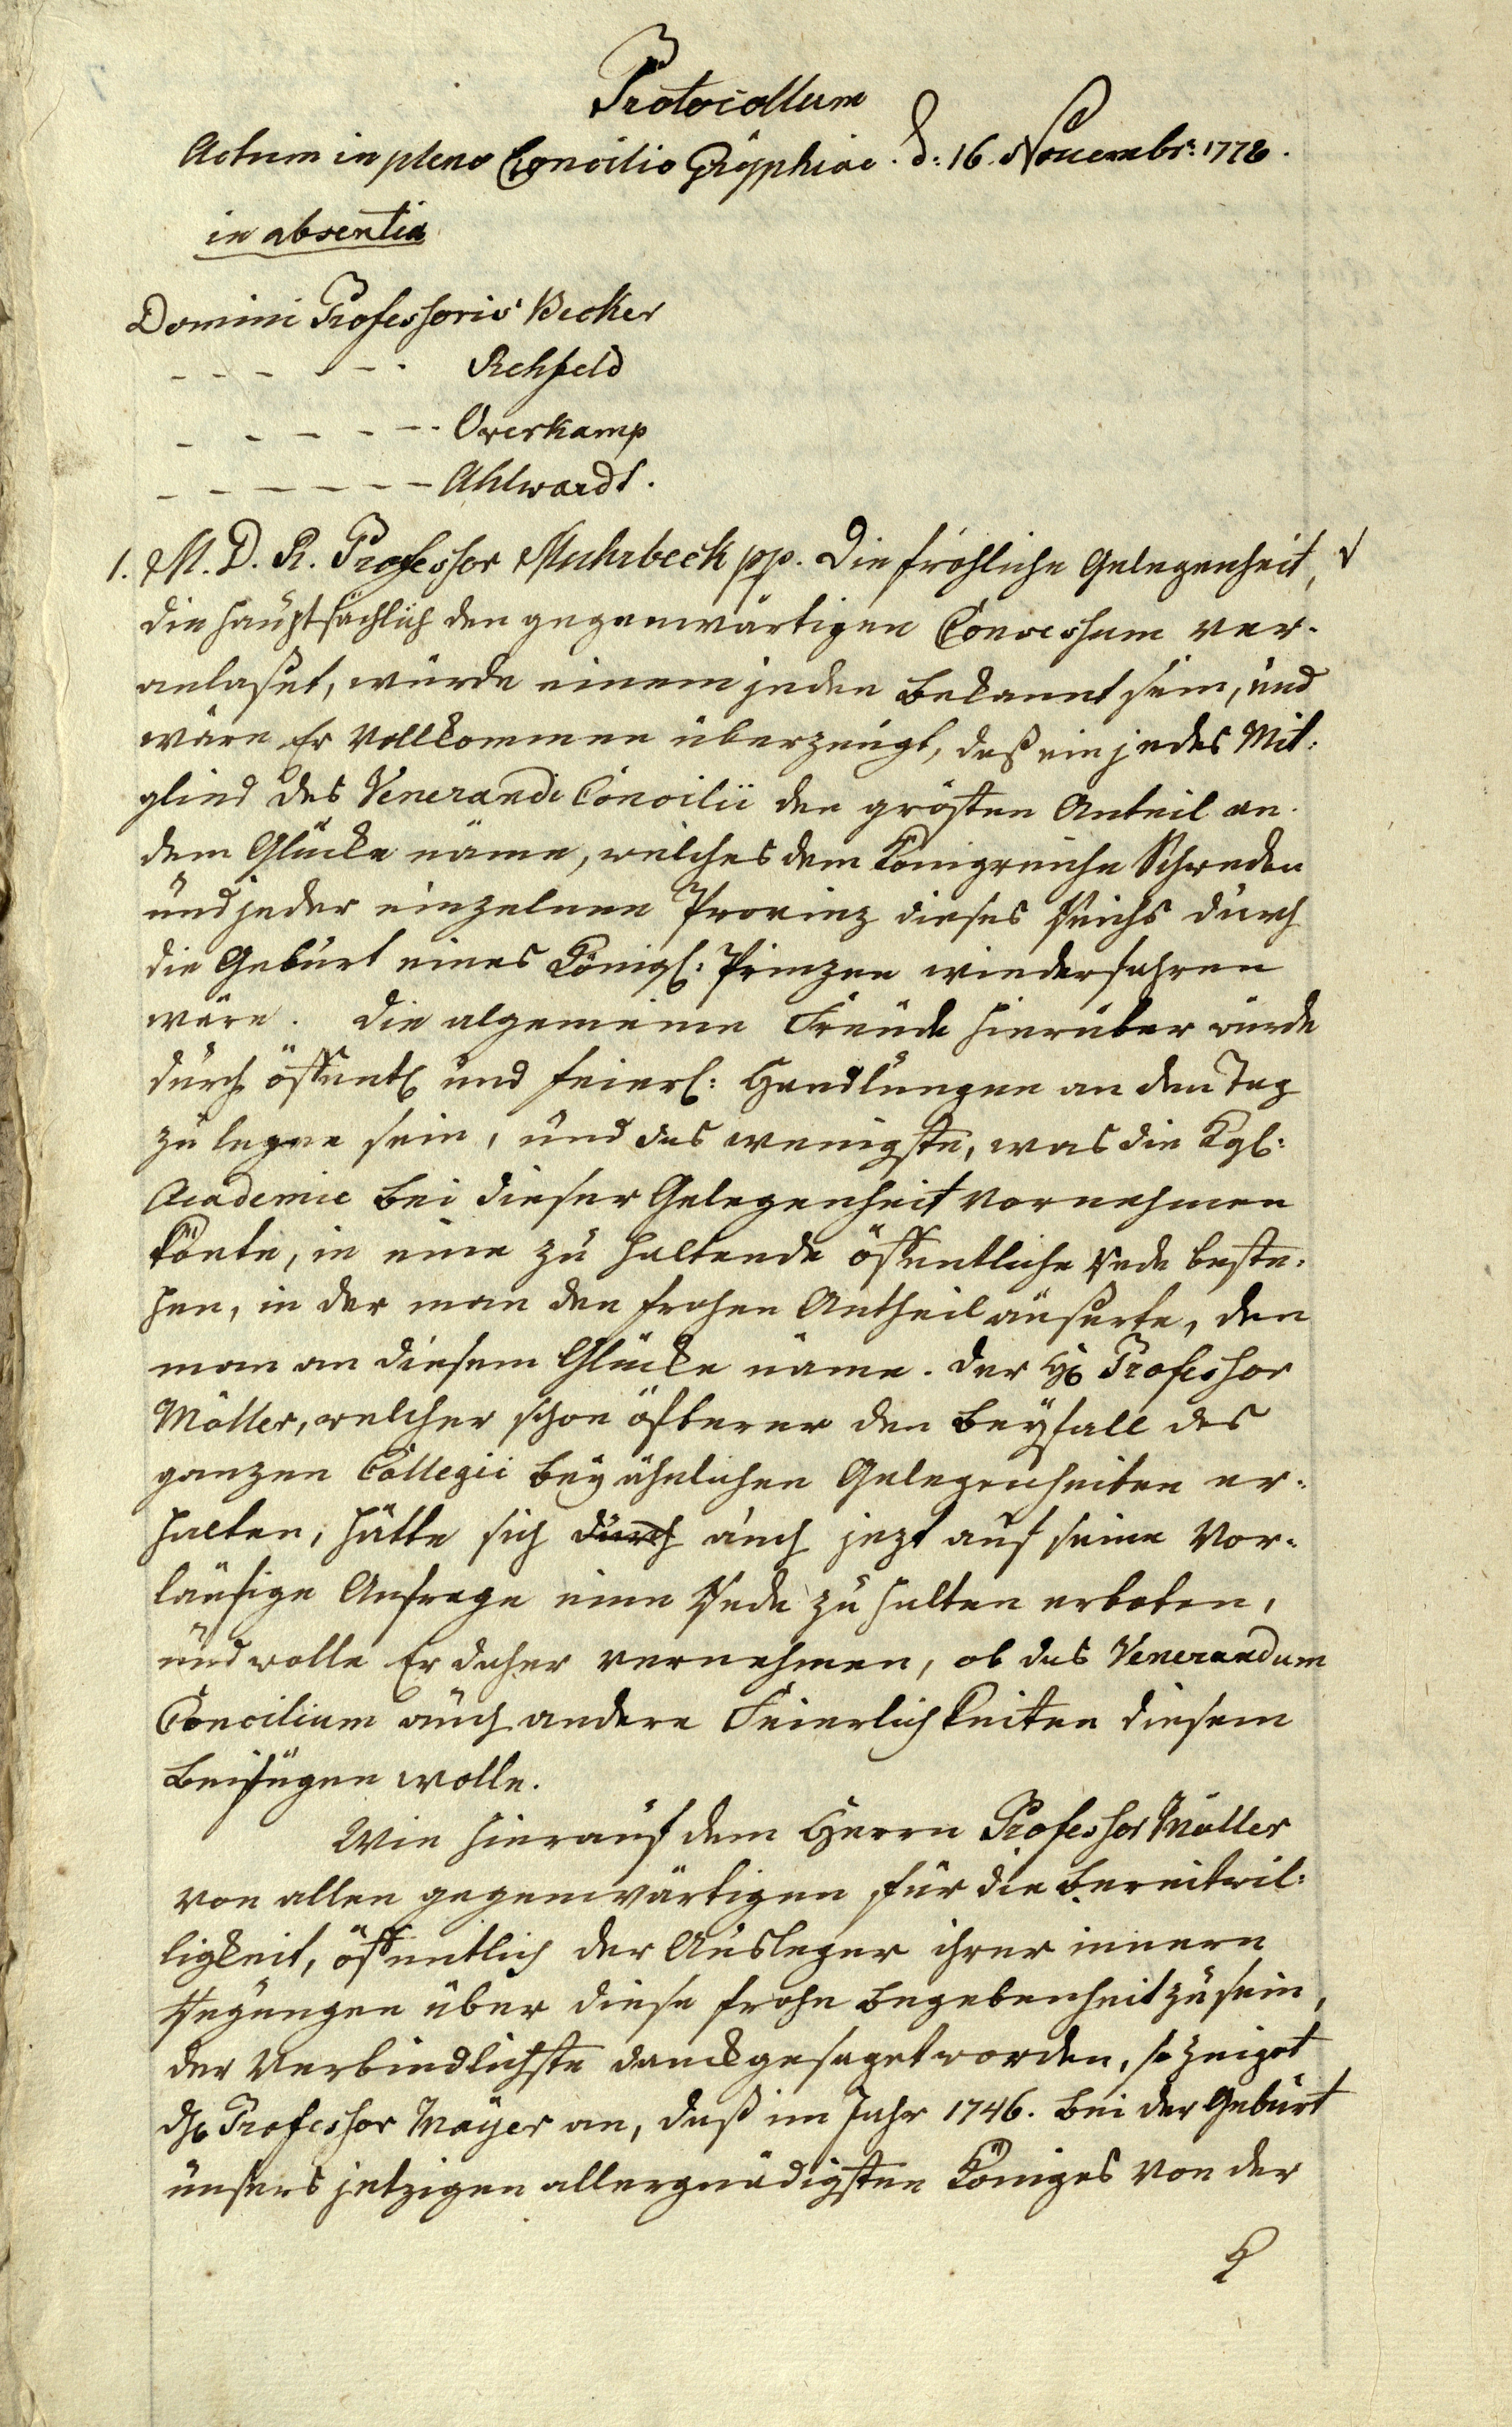Protocollum
Actum in pleno Concilio Grÿphiae d. 16. Novembr. 1778.
in absentia
Domini Professoris Becker
Rehfeld
Overkamp
Ahlwardt.
1. M. D. R. Professor Muhrbeck pp. Die fröhliche Gelegenheit,
die hauptsächlich den gegenwärtigen Consessum ver¬
anlaßet, würde einem jeden bekannt sein, und
wäre Er vollkommen überzeugt, daß ein jedes Mit¬
glied des Venerandi Concilii den grösten Anteil an
dem Glücke näme, welches dem Königreiche Schweden
und jeder einzelnen Provinz dieses Reichs durch
die Geburt eines Königl. Prinzen wiederfahren
wäre. Die algemeine Freude hierüber würde
durch öffentl. und feierl. Handlungen an den Tag
zu legen sein, und das wenigste, was die Kgl.
Academie bei dieser Gelegenheit vornehmen
könte, in eine zu haltende öffentliche Rede beste¬
hen, in der man den frohen Antheil äußerte, den
man an diesem Glücke näme. Der H. Professor
Möller, welcher schon öfterer den Beÿfall des
ganzen Collegii beÿ ähnlichen Gelegenheiten er¬
halten, hätte sich durch auch jezt auf seine vor¬
läufige Anfrage eine Rede zu halten erboten,
und wolle Er daher vernehmen, ob das Venerandum
Concilium auch andere Feierlichkeiten diesem
beifügen wolle.
Wie hierauf dem Herrn Professor Möller
von allen gegenwärtigen für die Bereitwil¬
ligkeit, öffentlich der Ausleger ihrer innern
Regungen über diese frohe Begebenheit zu sein,
der verbindlichste Danck gesagt worden, so zeiget
dh. Professor Maÿer an, daß im Jahr 1746. bei der Geburt
unseres jetzigen allergnädigsten Königes von der